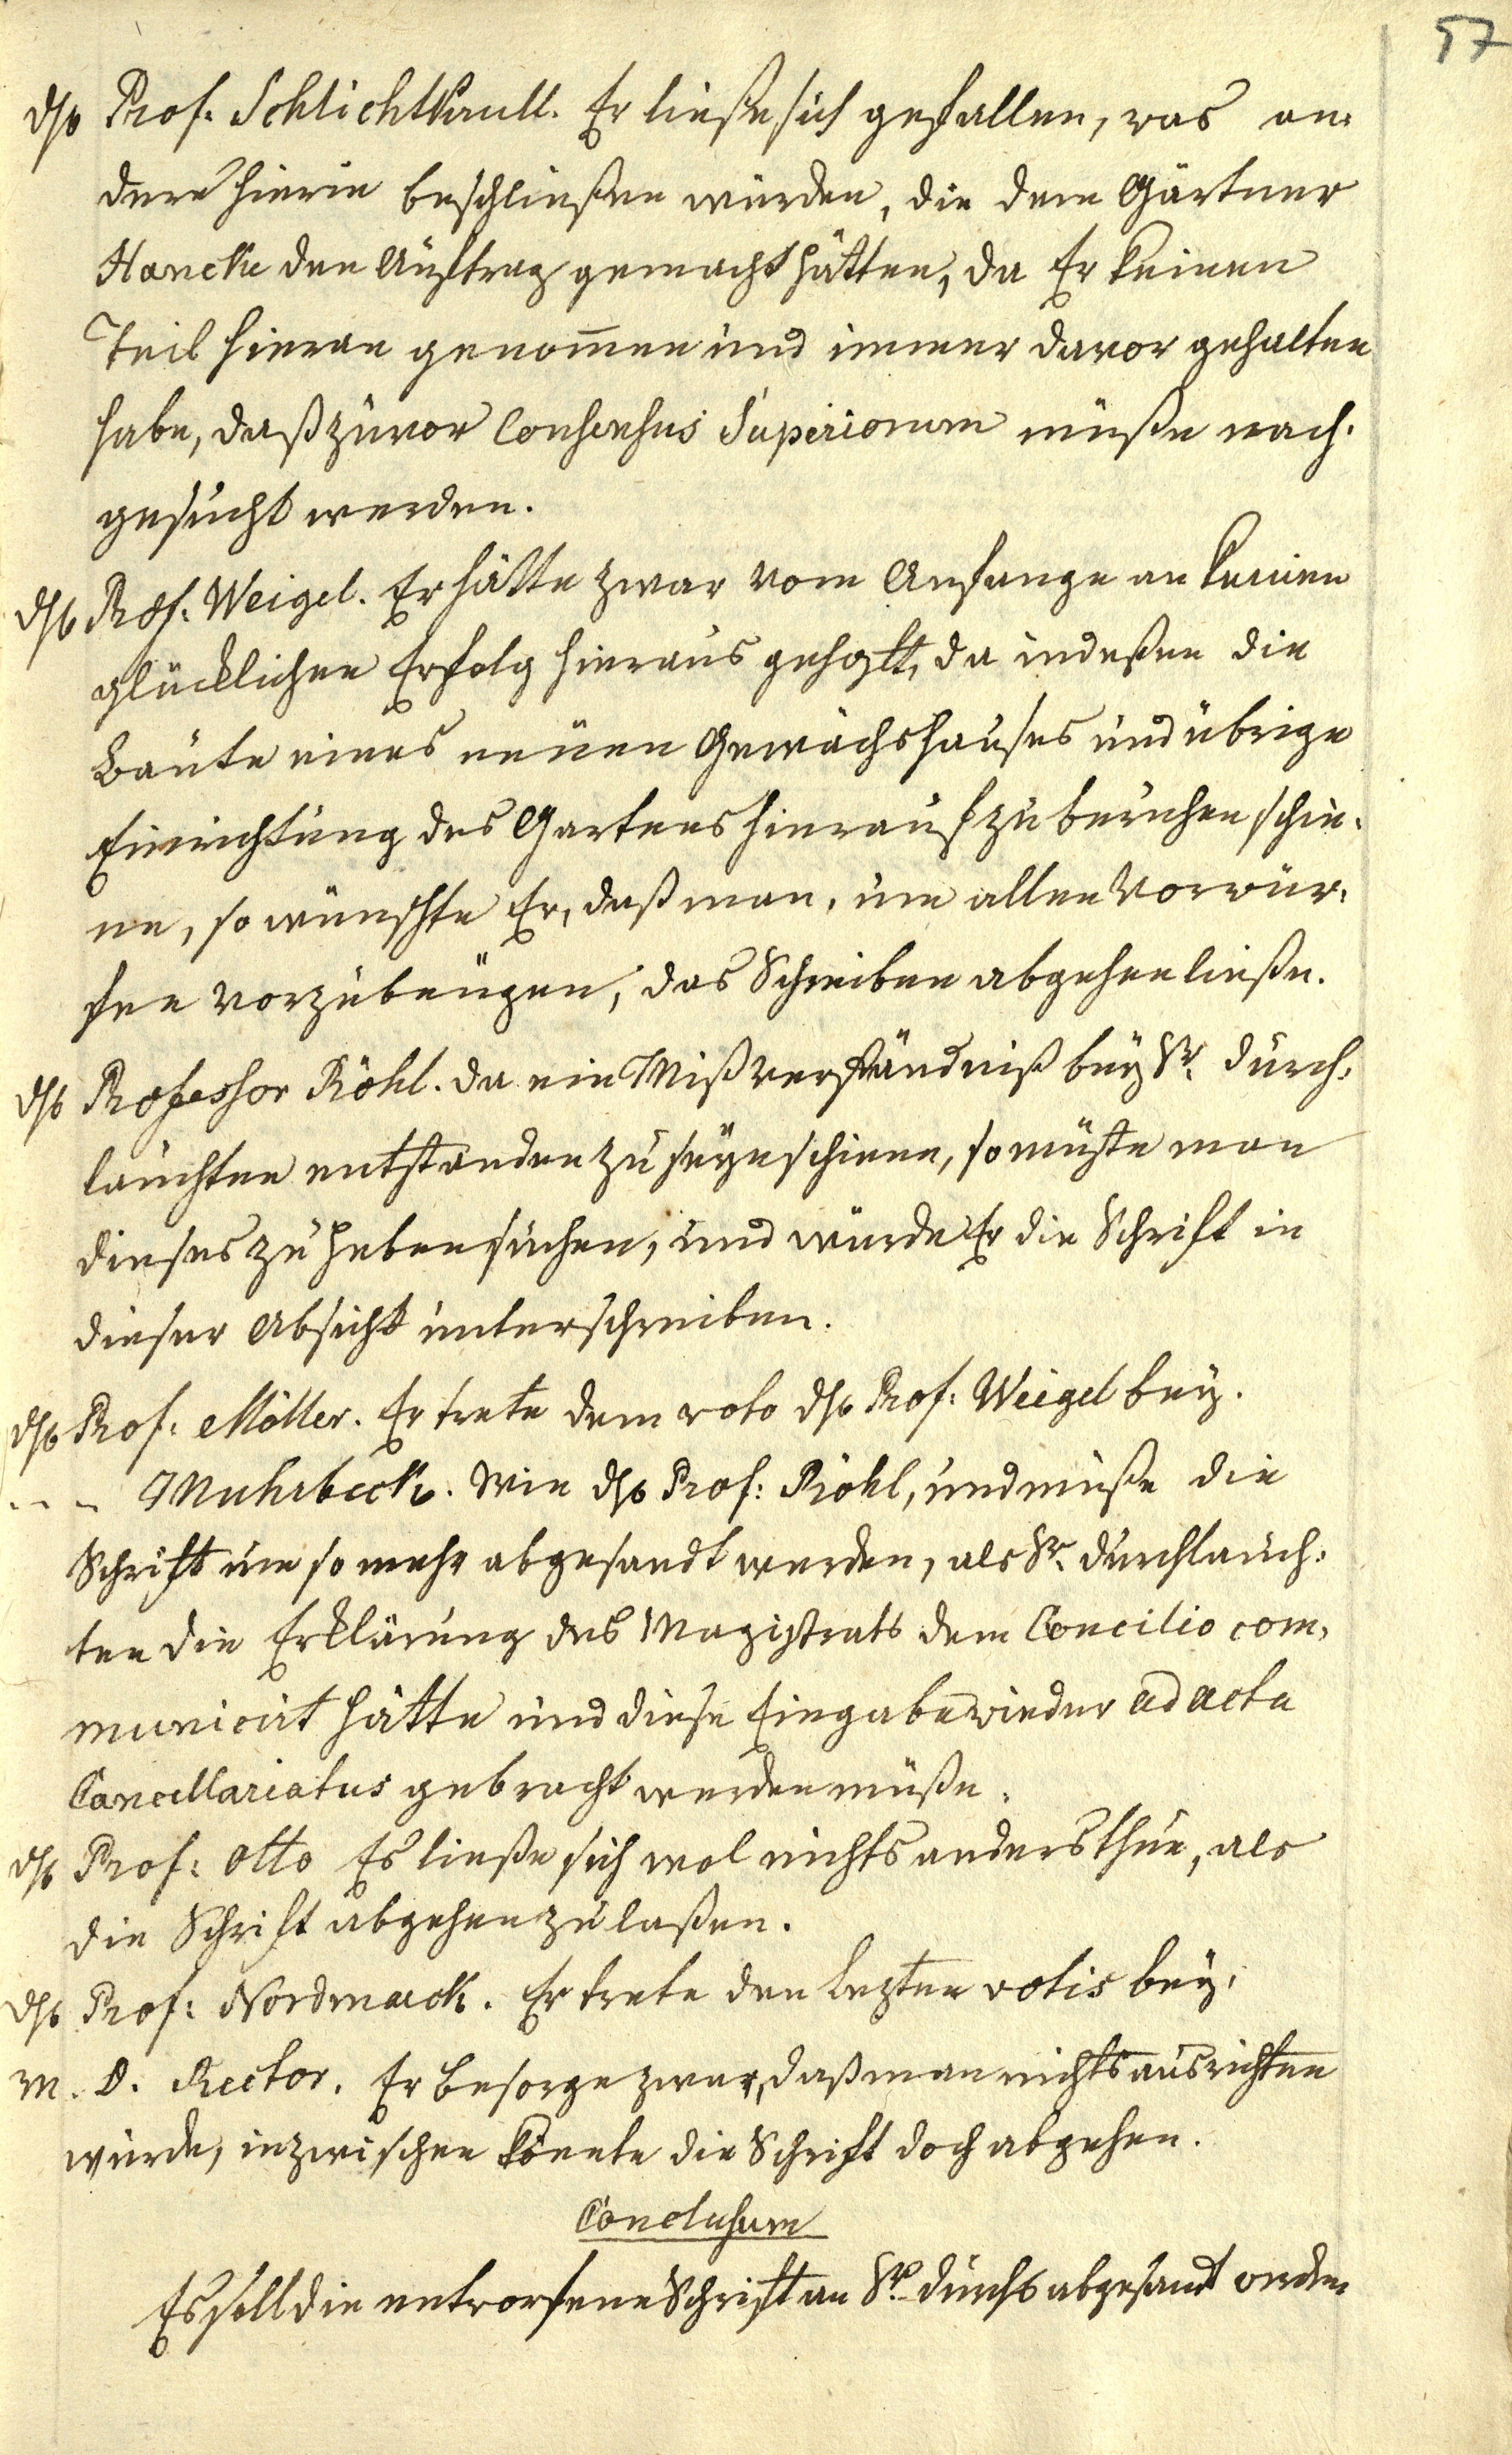dh Prof. Schlichtkrull. Er ließe sich gefallen, was an¬
dere hierin beschließen würden, die dem Gärtner
Hancke den Auftrag gemacht hätten, da Er keinen
teil hieran genomen und immer davor gehalten
habe, daß zuvor Consensus Superiorum müße nach¬
gesucht werden.
dh Prof. Weigel. Er hätte zwar vom Anfange an keinen
glücklichen Erfolg hieraus gehoft, da indeßen die
Baute eines neuen Gewächshauses und übrige
Einrichtung des Gartens hierauf zu beruhen schie¬
ne, so wünschte Er, daß man, um allen Vorwürf¬
fen vorzubeugen, das Schreiben abgehen ließe.
dh Professor Röhl. Da ein Mißverständniß beÿ Sr Durch¬
lauchten entstanden zu seÿn schiene, so müste man
dieses zu heben suchen, und würde die Schrift in
dieser Absicht unterschreiben.
dh Prof. Möller. Er trete dem voto dh Prof. Weigel beÿ.
Muhrbeck. Wie dh Prof. Röhl, und müße die
Schrift um so mehr abgesandt werden, als Sr. Durchlauch¬
ten die Erklärung des Magistrats dem Concilio com¬
municirt hätte und diese Eingabe wieder ad Acta
Cancellariatus gebracht werden müße.
dh Prof. Otto Es ließe sich wol nichts anders thun, als
die Schrift abgehen zu laßen.
dh Prof. Nordmarck. Er trete den lezten votis beÿ.
M. D. Rector. Er besorge zwar, daß man nichts ausrichten
würde, inzwischen könnte die Schrift doch abgehen.
Conclusum
Es soll die entworfene Schrift an Sr Durchl. abgesandt werden